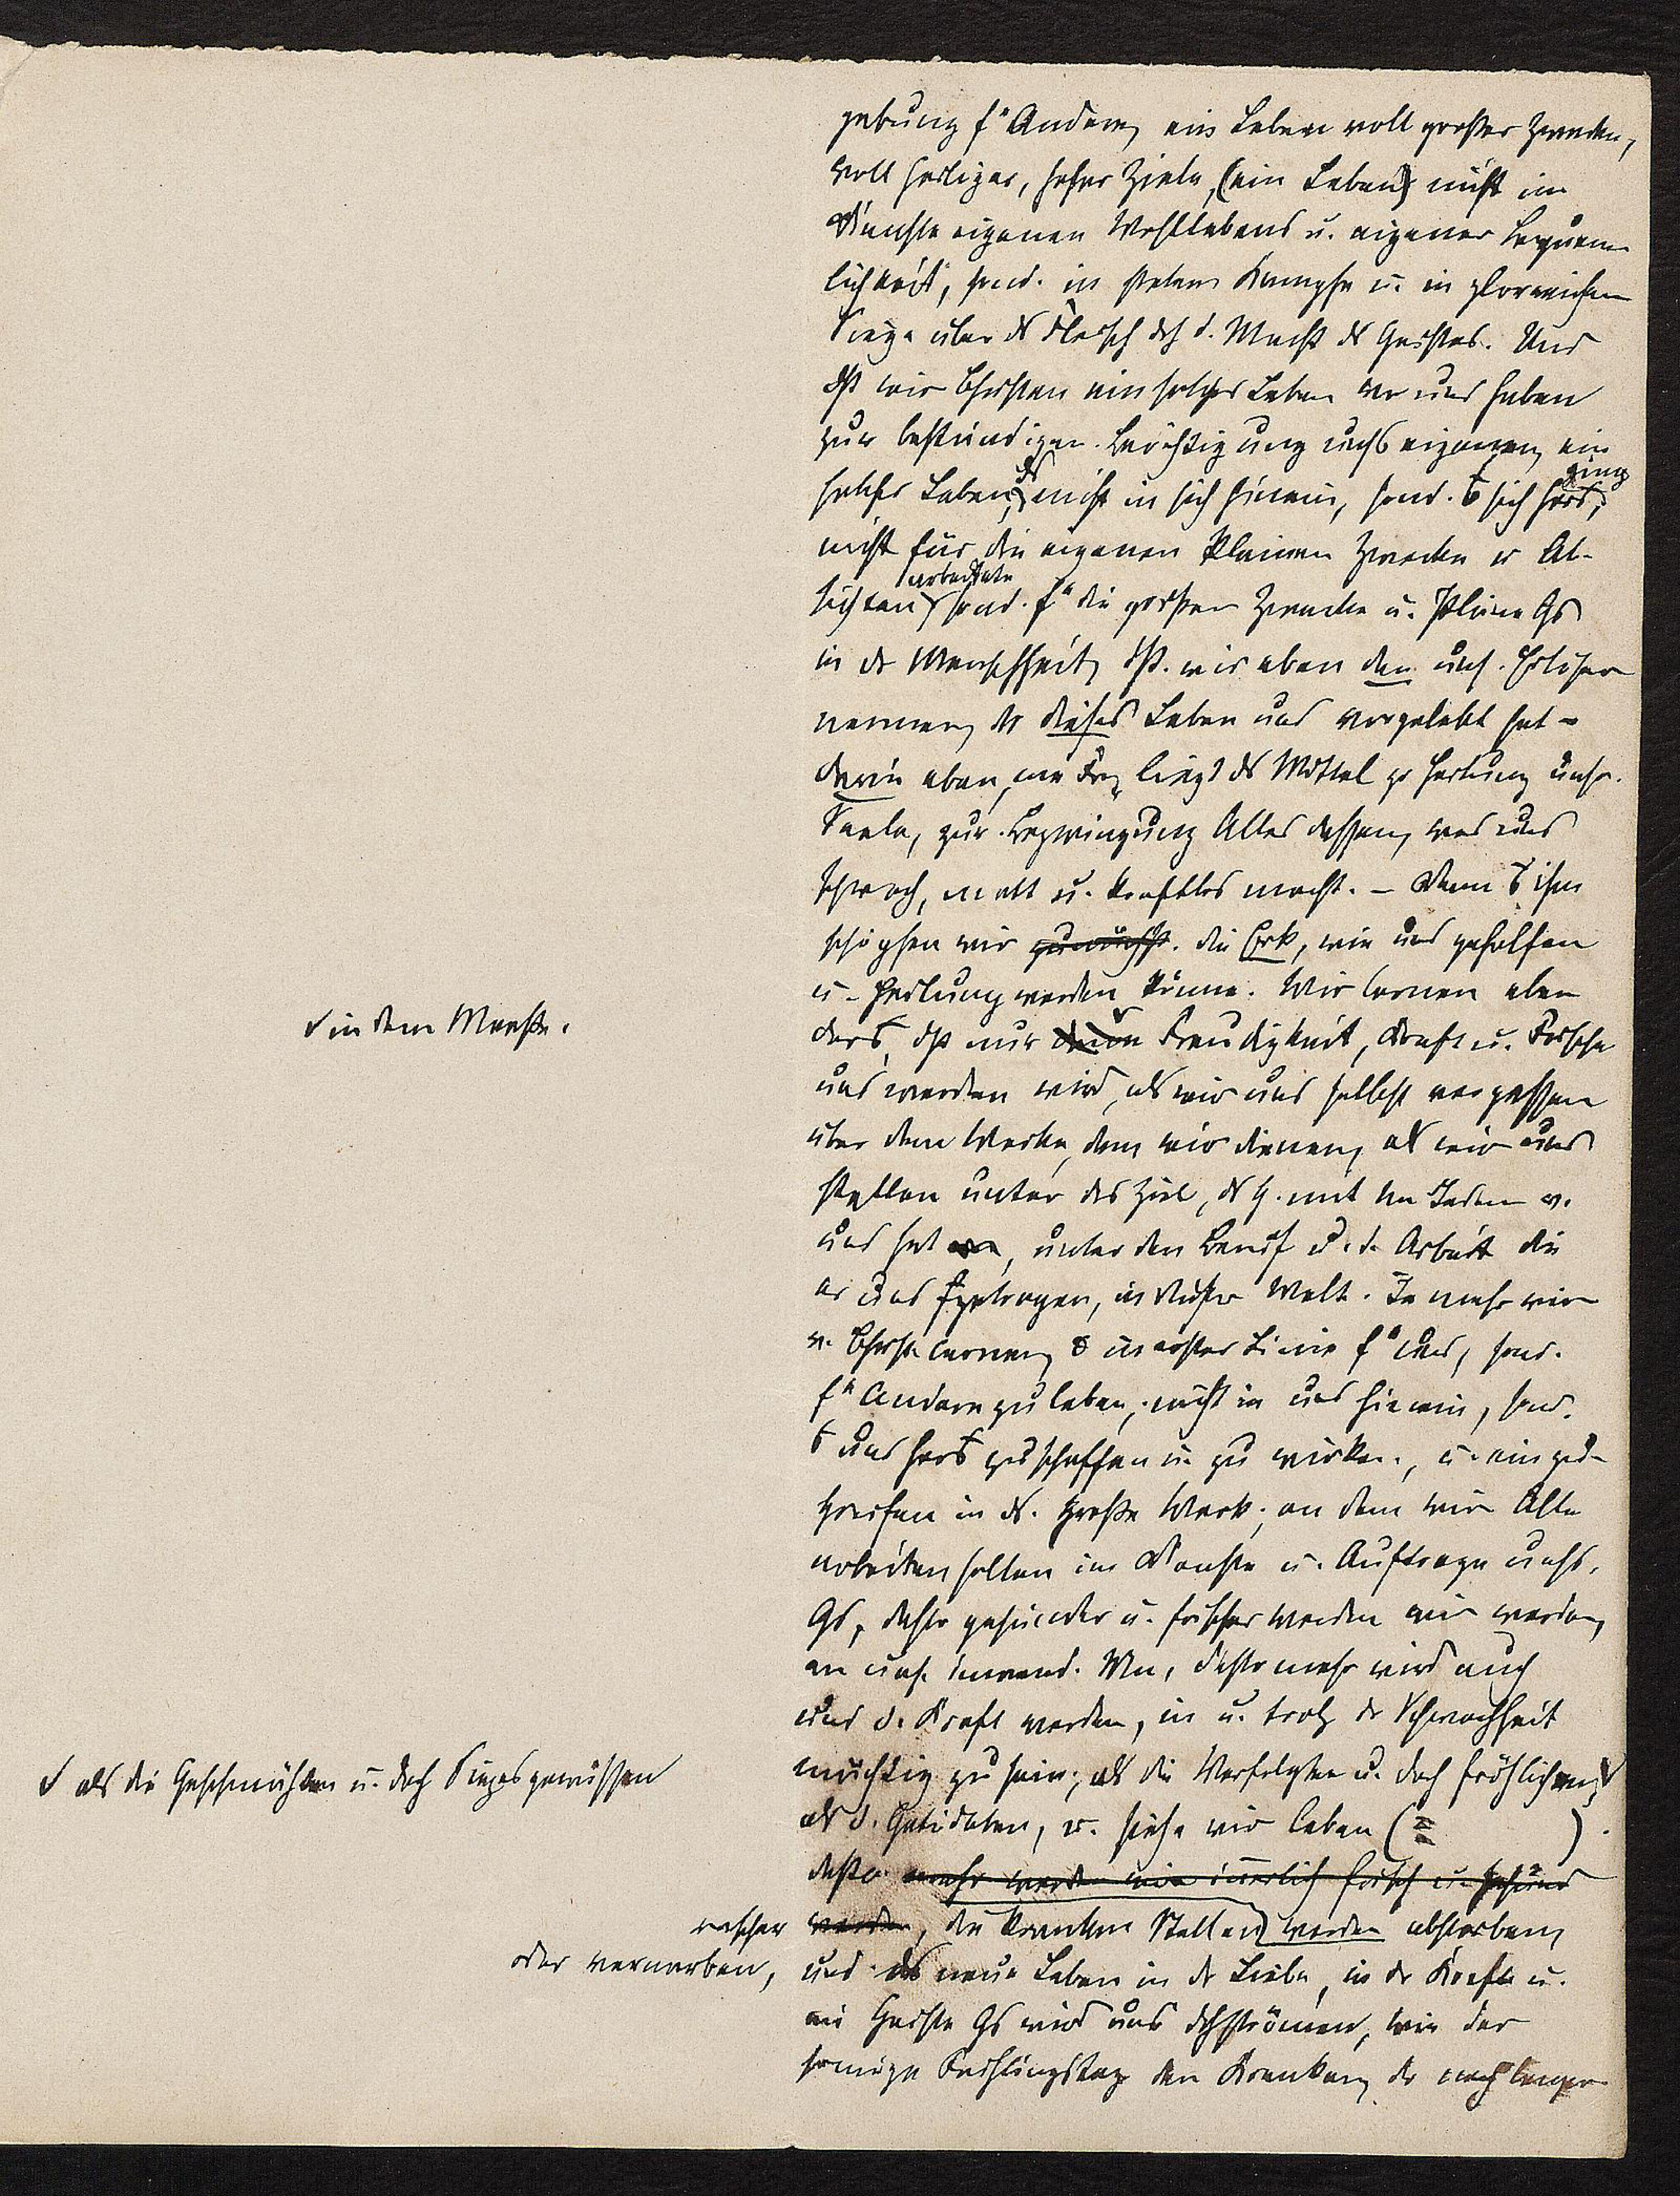V in dem Maaße
V als die Geschmähten u. doch Siegesgewissen
rascher
oder vernarben
gebung fü Andere, ein Leben voll großer Zwecke,
voll heilige, hoher Ziele, (ein Leben) nicht im
Dienste eigenen Wohllebens u. eigener Bequem¬
lichkeit, sond. in stetem Kampfe u. in glorreichem
Siege über ds Fleisch dch d. Macht des Geistes. Und
daß wir Christen ein solches Leben vor uns haben
zur beständigen Berichtigung unss eigenen, ein
ging
solches Leben, nicht in sich hinein, sonst s sich hers,
nicht für den eigenen kleinen Zwecke u. Ab¬
erbeutete
sichten, sond. fü die größten Zwecke u. Pläne Gs
in dr Menschheit, daß. wir eben den uns Erlöser
nennen, dr dieses Leben uns vorgelebt hat. _
darin eben, mn Fr., liegt ds Mittel zu Heilung unsre
Seele, zur Bezwingung Alles dessen, was uns
schwach, matt u. kraftlos macht. _ Den s ihm
schöpfen wir zunächst die Erk., wie uns geholfen
u. Heilung werden könne. Wir lernen eben
ders, daß nur dann Freudigkeit, Kraft u. Frische
uns werden wird, als wir uns selbst vergessen
über den Werke, dem wir denen, es wir uns
stellen unter das Ziel, ds G mit 1m Jeden v.
uns hat u. unter den Beruf u. d. Arbeit die
er uns fgetragen, in dieser Welt. Je mehr wir
v. Christ. lernen, o in erster Linie fü uns, sond.
fü andere zu leben, nicht in uns hinein, sond.
s uns hers zuschaffen u. zu wirken, u. einzu¬
greifen in ds. große Werk., an dem wir Alle
arbeiten sollen im Dienste u. Auftrage unss.
Gs., desto gesünder u. frischer werden wir werden
an uns. inwend. Mn, desto mehr wird auch
uns d. Kraft werden, in u trotz der Schwachheit
mächtig zu sein, als die Verfolgten u doch fröhlichen
als d Getödeten, u. siehe wir leben (?)
desto mehr wierden wir innerlich frisch un schöner
werden, die kranken Stelle werden absterben,
und das neue Leben in der Liebe, in der Kraft u.
im Geiste Gs wird uns dchströmen, wie der
sonnige Frühlingstag den Kranken, der nach langer